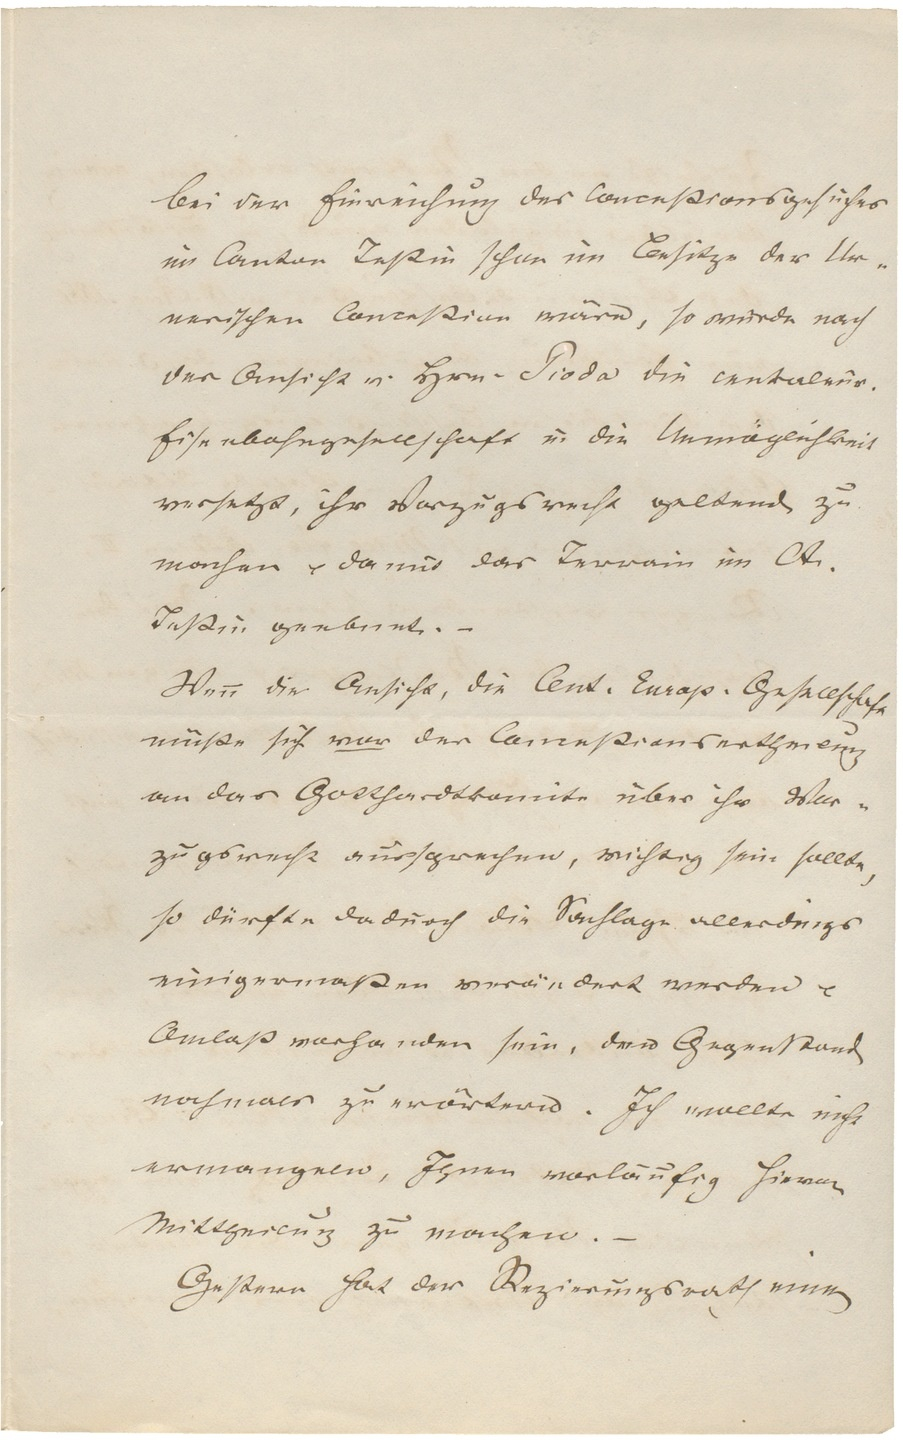bei der Einreichung des Conceßionsgesuches
im Canton Teßin schon im Besitze der Ur-
nerischen Conceßion wäre, so würde nach
der Ansicht v. Hrn. Pioda die centraleur.
Eisenbahngesellschaft in die Unmöglichkeit
versetzt, ihr Vorzugsrecht geltend zu
machen & damit das Terrain im Ct.
Teßin geebnet. –
Wenn die Ansicht, die Cent. Europ. Gesellschaft
müße sich vor der Conceßionsertheilung
an das Gotthardtkomite über ihr Vor-
zugsrecht aussprechen, richtig sein sollte,
so dürfte dadurch die Sachlage allerdings
einigermaßen verändert werden &
Anlaß vorhanden sein, den Gegenstand
nochmals zu erörtern. Ich wollte nicht
ermangeln, Ihnen vorläufig hievon
Mittheilung zu machen. –
Gestern hat der Regierungsrath eine